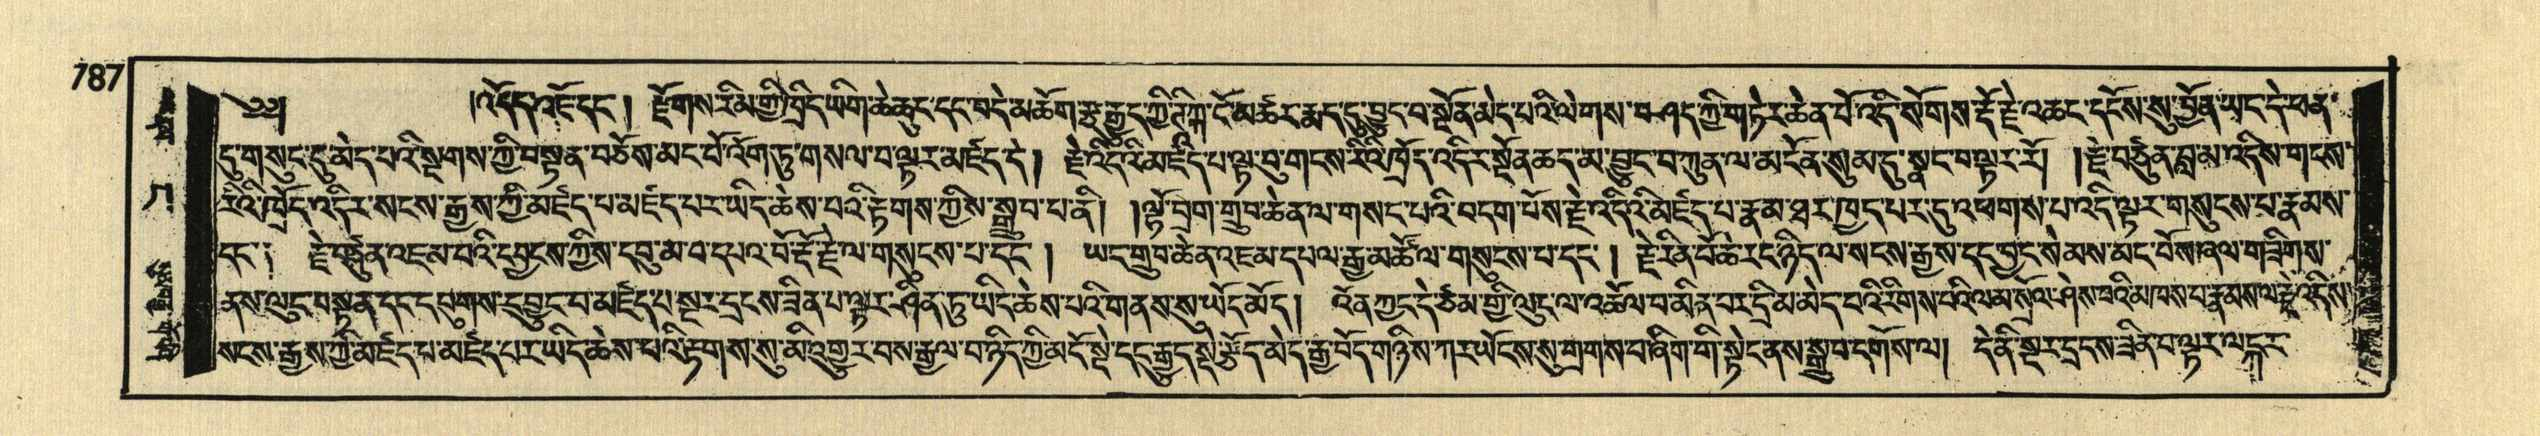༄༅། །འདོད་འཇོ་དང་། རྫོགས་རིམ་གྱི་ཁྲིད་ཡིག་ཆེ་ཆུང་དང་བདེ་མཆོག་རྩ་རྒྱུད་ཀྱི་ཊཱིཀྐ་ངོ་མཚར་རྨད་དུ་བྱུང་བ་སྔོན་མེད་པའི་ལེགས་བཤད་ཀྱི་གཏེར་ཆེན་པོ་འདི་སོགས་རྡོ་རྗེ་འཆང་དངོས་སུ་བྱོན་ཡང་དེ་ཕན་
དུ་གསུང་དུ་མེད་པའི་སྔགས་ཀྱི་བསྟན་བཅོས་མང་པོ་འོག་ཏུ་གསལ་བ་ལྟར་མཛད་དེ། རྗེ་འདིའི་མཛད་པ་ལྟ་བུ་གངས་རིའི་ཁྲོད་འདིར་སྔོན་ཆད་མ་བྱུང་བ་ཀུན་ལ་མངོན་སུམ་དུ་སྣང་བ་ལྟར་རོ། །རྗེ་བཙུན་བླ་མ་འདིས་གངས་
རིའི་ཁྲོད་འདིར་སངས་རྒྱས་ཀྱི་མཛད་པ་མཛད་པར་ཡིད་ཆེས་པའི་རྟགས་ཀྱིས་སྒྲུབ་པ་ནི། །ལྷོ་བྲག་གྲུབ་ཆེན་ལ་གསང་པའི་བདག་པོས་རྗེ་འདིའི་མཛད་པ་རྣམ་ཐར་ཁྱད་པར་དུ་འཕགས་པ་འདི་ལྟར་གསུངས་པ་རྣམས་
དང༑ རྗེ་བཙུན་འཇམ་བའི་དབྱངས་ཀྱིས་དབུ་མ་བ་དཔའ་བོ་རྡོ་རྗེ་ལ་གསུངས་པ་དང་། ཡང་གྲུབ་ཆེན་འཇམ་དཔལ་རྒྱ་མཚོ་ལ་གསུངས་པ་དང་། རྗེ་རིན་པོ་ཆེ་རང་ཉིད་ལ་སངས་རྒྱས་དང་བྱང་སེམས་མང་པོས་ཞལ་གཟིགས་
ནས་ལུང་བསྟན་དང་དབུགས་དབྱུང་བ་མཛད་པ་སྔར་དྲངས་ཟིན་པ་ལྟར་ཤིན་ཏུ་ཡིད་ཆེས་པའི་གནས་སུ་ཡོད་མོད། འོན་ཀྱང་དེ་ཙམ་གྱི་ལུང་ལ་འཆོལ་བ་མིན་པར་དྲི་མ་མེད་པའི་རིགས་པའི་ལམ་སྲོལ་ཤེས་བའི་མཁས་པ་རྣམས་ལ་རྗེ་འདིས།
སངས་རྒྱས་ཀྱི་མཛད་པ་མཛད་པར་ཡིད་ཆེས་པའི་རྟགས་སུ་མི་འགྱུར་བས་རྒྱལ་བ་ཉིད་ཀྱི་མདོ་སྡེ་དང་རྒྱུད་སྡེ་རྩོད་མེད་རྒྱ་བོད་གཉིས་ཀར་ཡོངས་སུ་གྲགས་བ་ཞིག་གི་སྟེང་ནས་སྒྲུབ་དགོས་ལ། དེ་ནི་སྔར་དྲངས་ཟིན་པ་ལྟར་ལངྐར་